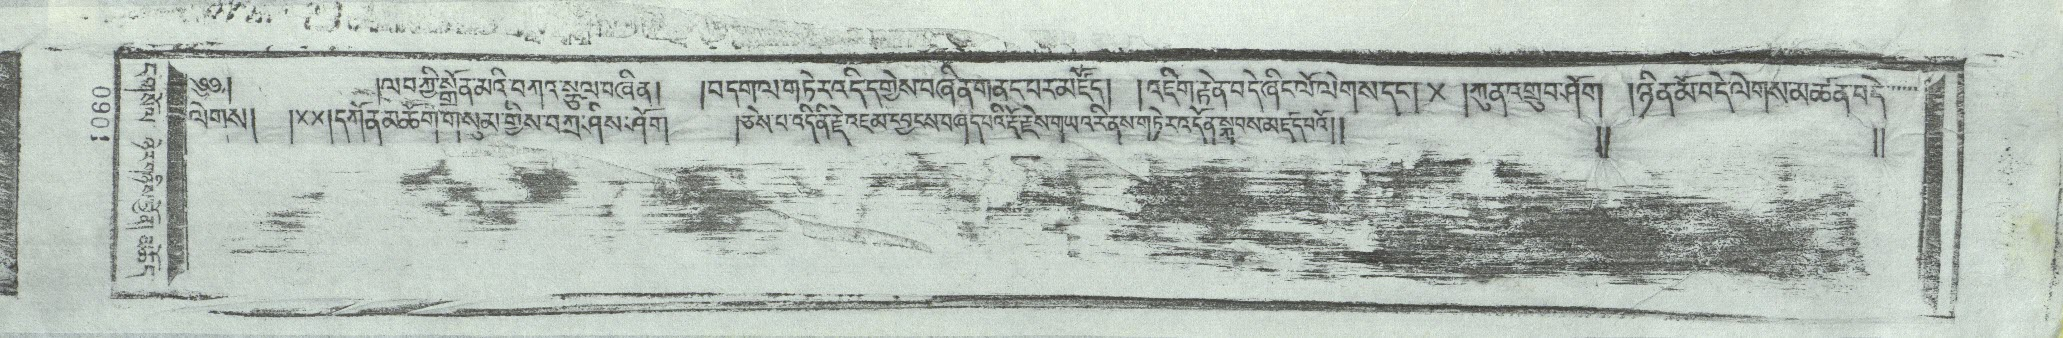༄༅། །ལབ་ཀྱི་སྒྲོན་མའི་བཀའ་སྩལ་བཞིན། །བདག་ལ་གཏེར་འདི་གྱེས་བཞིན་གནང་བར་མཛོད། །འཇིག་རྟེན་བདེ་ཞིང་ལོ་ལེགས་དང་། ྾་།ཀུན་འགྲུབ་ཤོག །ཉིན་མོ་བདེ་ལེགས་མཚན་བདེ་
ལེགས། །྾྾། དཀོན་མཆོག་གསུམ་གྱིས་བཀྲ་ཤིས་ཤོག །ཅེས་པ་འདི་ནི་རྗེ་འཇམ་དབྱངས་བཞད་པའི་རྡོ་རྗེས་གཡའ་རི་ནས་གཏེར་འདོན་སྐབས་མཛད་པའོ།། །། །།